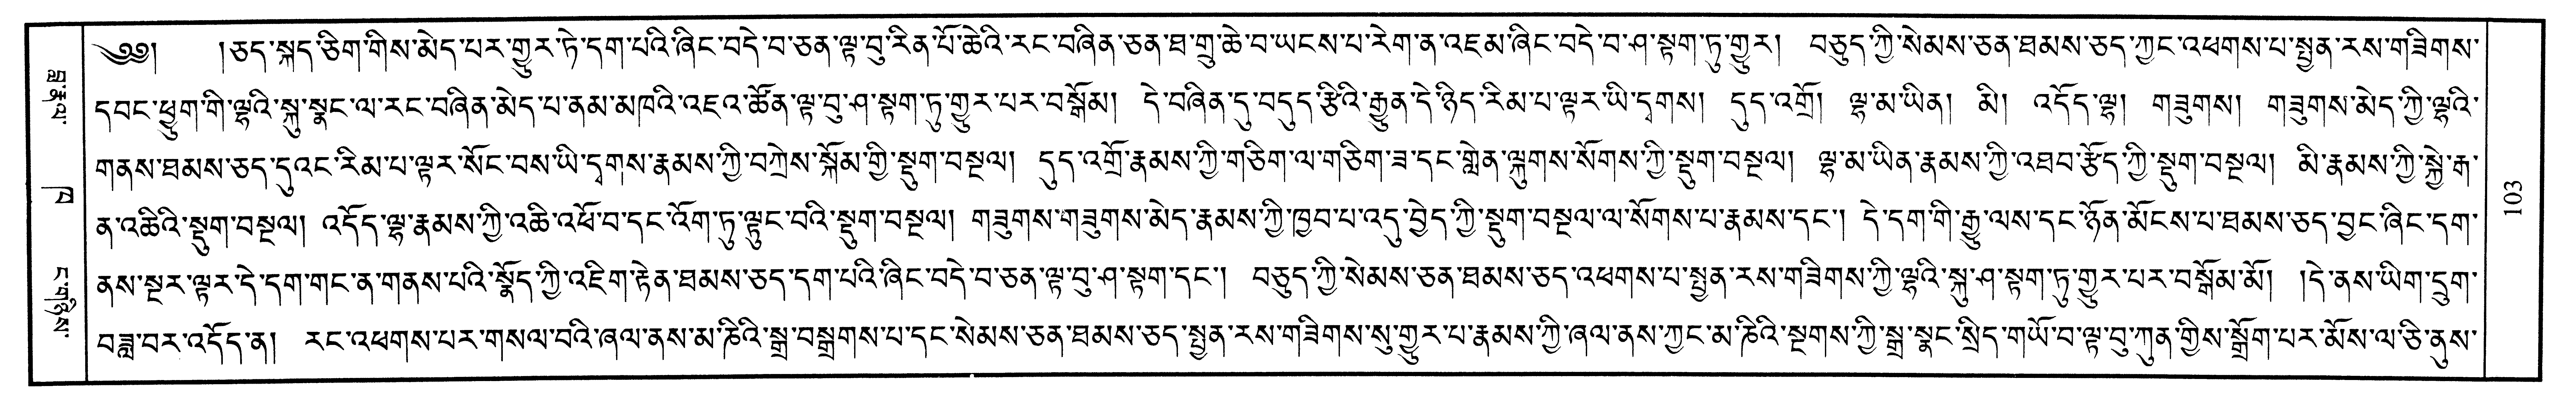༄༅། །ཅད་སྐད་ཅིག་གིས་མེད་པར་གྱུར་ཏེ་དག་པའི་ཞིང་བདེ་བ་ཅན་ལྟ་བུ་རིན་པོ་ཆེའི་རང་བཞིན་ཅན་ཐ་གྲུ་ཆེ་བ་ཡངས་པ་རེག་ན་འཇམ་ཞིང་བདེ་བ་ཤ་སྟག་ཏུ་གྱུར། བཅུད་ཀྱི་སེམས་ཅན་ཐམས་ཅད་ཀྱང་འཕགས་པ་སྤྱན་རས་གཟིགས་
དབང་ཕྱུག་གི་ལྷའི་སྐུ་སྣང་ལ་རང་བཞིན་མེད་པ་ནམ་མཁའི་འཇའ་ཚོན་ལྟ་བུ་ཤ་སྟག་ཏུ་གྱུར་པར་བསྒོམ། དེ་བཞིན་དུ་བདུད་རྩིའི་རྒྱུན་དེ་ཉིད་རིམ་པ་ལྟར་ཡི་དྭགས། དུད་འགྲོ། ལྷ་མ་ཡིན། མི། འདོད་ལྷ། གཟུགས། གཟུགས་མེད་ཀྱི་ལྷའི་
གནས་ཐམས་ཅད་དུའང་རིམ་པ་ལྟར་སོང་བས་ཡི་དྭགས་རྣམས་ཀྱི་བཀྲེས་སྐོམ་གྱི་སྡུག་བསྔལ། དུད་འགྲོ་རྣམས་ཀྱི་གཅིག་ལ་གཅིག་ཟ་དང་གླེན་ལྐུགས་སོགས་ཀྱི་སྡུག་བསྔལ། ལྷ་མ་ཡིན་རྣམས་ཀྱི་འཐབ་རྩོད་ཀྱི་སྡུག་བསྔལ། མི་རྣམས་ཀྱི་སྐྱེ་རྒ་
ན་འཆིའི་སྡུག་བསྔལ། འདོད་ལྷ་རྣམས་ཀྱི་འཆི་འཕོ་བ་དང་འོག་ཏུ་ལྟུང་བའི་སྡུག་བསྔལ། གཟུགས་གཟུགས་མེད་རྣམས་ཀྱི་ཁྱབ་པ་འདུ་བྱེད་ཀྱི་སྡུག་བསྔལ་ལ་སོགས་པ་རྣམས་དང་། དེ་དག་གི་རྒྱུ་ལས་དང་ཉོན་མོངས་པ་ཐམས་ཅད་བྱང་ཞིང་དག་
ནས་སྔར་ལྟར་དེ་དག་གང་ན་གནས་པའི་སྣོད་ཀྱི་འཇིག་རྟེན་ཐམས་ཅད་དག་པའི་ཞིང་བདེ་བ་ཅན་ལྟ་བུ་ཤ་སྟག་དང་། བཅུད་ཀྱི་སེམས་ཅན་ཐམས་ཅད་འཕགས་པ་སྤྱན་རས་གཟིགས་ཀྱི་ལྷའི་སྐུ་ཤ་སྟག་ཏུ་གྱུར་པར་བསྒོམ་མོ། །དེ་ནས་ཡིག་དྲུག་
བཟླ་བར་འདོད་ན། རང་འཕགས་པར་གསལ་བའི་ཞལ་ནས་མ་ཎིའི་སྒྲ་བསྒྲགས་པ་དང་སེམས་ཅན་ཐམས་ཅད་སྤྱན་རས་གཟིགས་སུ་གྱུར་པ་རྣམས་ཀྱི་ཞལ་ནས་ཀྱང་མ་ཎིའི་སྔགས་ཀྱི་སྒྲ་སྣང་སྲིད་གཡོ་བ་ལྟ་བུ་ཀུན་གྱིས་སྒྲོག་པར་མོས་ལ་ཅི་ནུས་